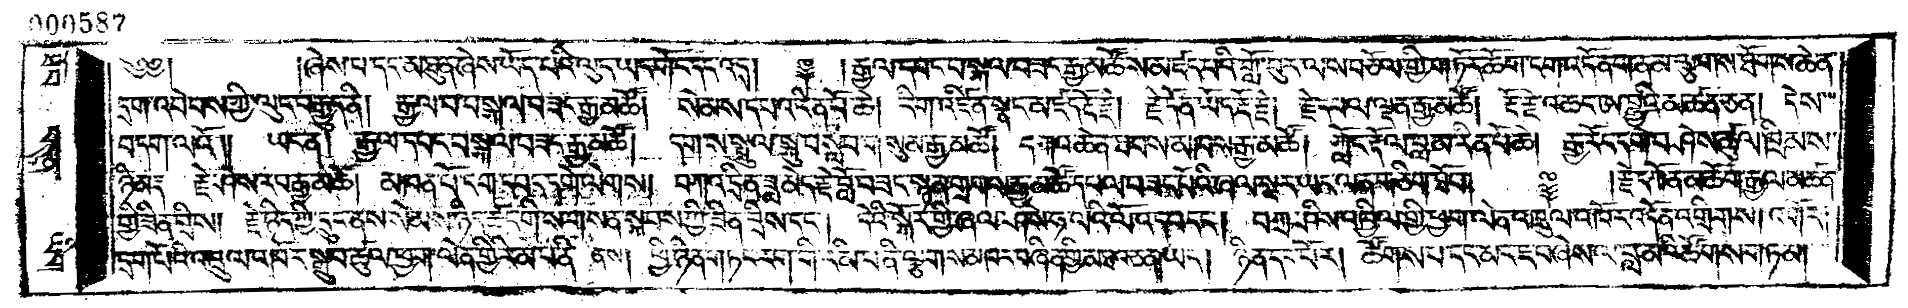༄༅། །ཞེས་པ་དང་མཐུན་ཞེས་ཡོད་པའི་ལུང་ཡང་གོང་དང་འདྲ། ༈ །རྒྱལ་དབང་བསྐལ་བཟང་རྒྱ་མཚོས་མཛད་པའི་གློ་བུར་ལས་བཅོལ་གྱི་གཏོར་ཆོག་ངག་འདོན་གནམ་ལྕགས་ཐོགས་ཆེན་
དྲག་འབེབས་ཀྱི་ལུང་བརྒྱུད་ནི། རྒྱལ་བ་བསྐལ་བཟང་རྒྱ་མཚོ། སེམས་དཔའ་རིན་པོ་ཆེ། རིག་འཛིན་སྣང་མཛད་རྡོ་རྗེ། རྗེ་དོན་ཡོད་རྡོ་རྗེ། རྗེ་དཔལ་ལྡན་རྒྱ་མཚོ། རྡོ་རྗེ་འཆང་ཨ་བྷྱའི་མཚན་ཅན། དེས་
བདག་ལའོ།། ཡང་ན། རྒྱལ་དབང་བསྐལ་བཟང་རྒྱ་མཚོ། དག་ས་སྤྲུལ་སྐུ་བསླབ་གསུམ་རྒྱ་མཚོ། དཀའ་ཆེན་ཐབས་མཁས་རྒྱ་མཚོ། ཀློང་རྡོལ་བླ་མ་རིན་པོ་ཆེ། རྒྱ་རོང་དགེ་བཤེས་ཚུལ་ཁྲིམས་
ཉིམ༑ རྗེ་ཤེས་རབ་རྒྱ་མཚོ། མཁན་པོ་ངག་དབང་དགེ་ལེགས། བཀའ་དྲིན་ཟླ་མེད་རྗེ་བློ་བཟང་སྙན་གྲགས་རྒྱ་མཚོ་དཔལ་བཟང་པོའི་ཞལ་སྔར་ཡང་ལན་གཅིག་ཐོབ། ༈ །རྗེ་དཀོན་མཆོག་རྒྱལ་མཚན་
གྱི་ཟིན་བྲིས། རྗེ་ཉིད་ཀྱི་དྲུང་ནས་སེམས་ཉིད་ཚང་གིས་གསན་སྐབས་ཀྱི་ཟིན་བྲིས་དང་། དེའི་སྐོར་གྱི་ཞལ་ཤེས་ཧ་ལའི་ལོ་འདབ་དང་། བཀྲ་ཤིས་འཁྱིལ་གྱི་ཕྱག་ལེན་འཁྲུལ་འཁོར་འདོན་འགྲིགས། འགོར།
དྲག་པོའི་འཁྲུལ་འཁོར་སྒྲུབ་ཚུལ་ཕྱག་ལེན་གྱི་རིམ་པ་ནི་ནས།  ཕྱི་ཉིན་གཏང་རག་གི་རིམ་པ་ནི་ལྕགས་མཁར་བཞིན་གྱི་མཐའ་ཅན། ཡང་། ཉིན་དང་པོར། ཚོགས་པ་དང་མང་ཇ་བཞེས་ལ་བླ་མའི་ཚོགས་གཏམ།